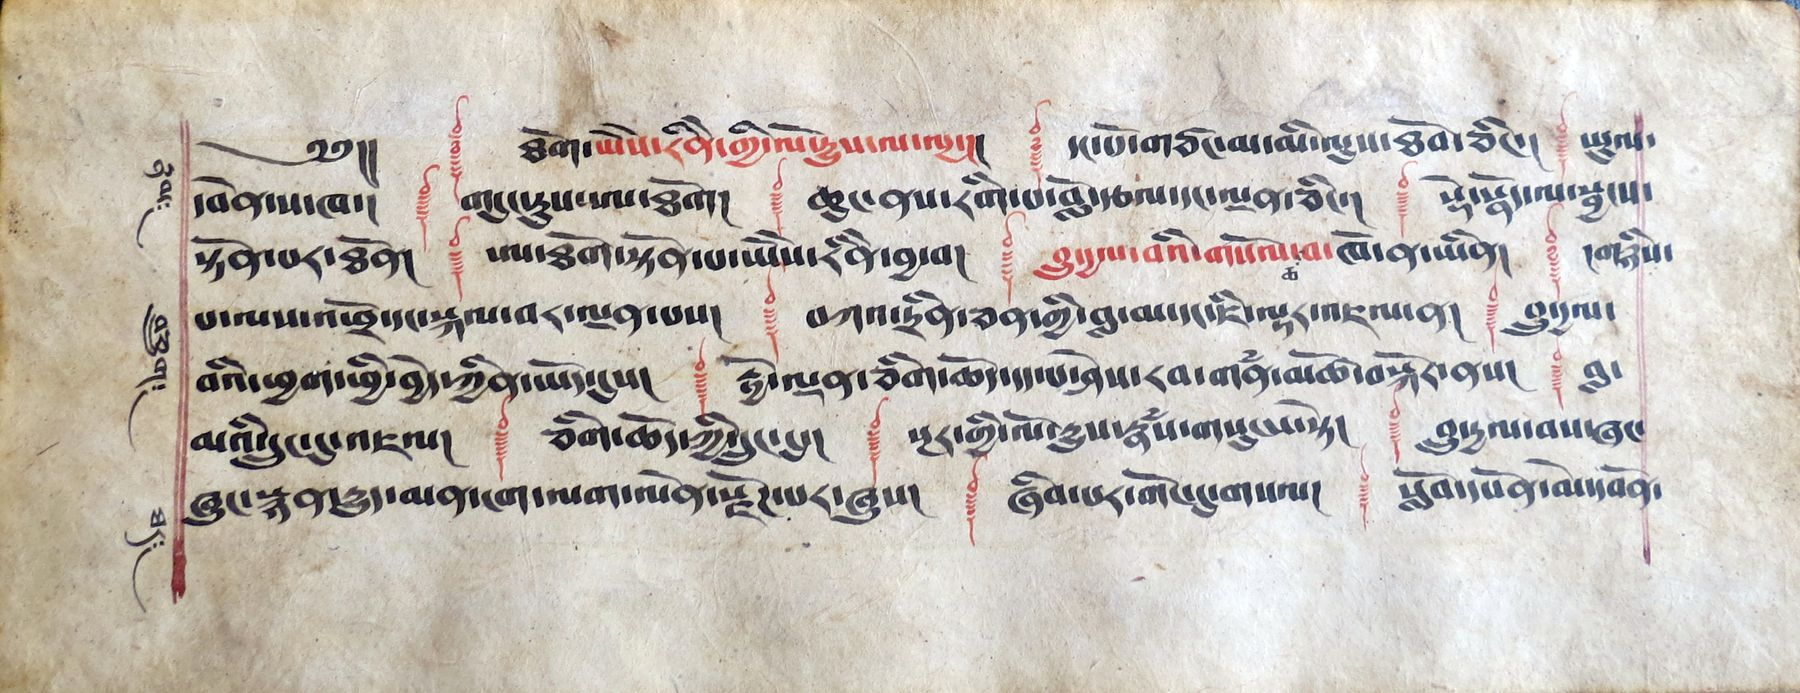ཐོག་ཡེ་ཤེས་རིན་ཆེན་གྱི་ལོ་རྒྱུས་ལ་ལྔ། དང་པོ་གཙང་མ་མི་ལུས་ཐོབ་ཅིང་། ཡུལ་
དབེན་ས་ཁ། གདུང་རུས་ཨ་ཐོག ཆུང་ནས་རིག་པ་བློ་རྩལ་དང་ལྡན་ཅིང་། སྡེ་སྣོད་ལ་སྦྱངས། 
སྟོན་པར་ཐོན། ཨ་ཐོག་སྟོན་པ་ཡེ་ཤེས་རིན་ཆེན་བྱ་བ། བྲུ་རྒྱལ་བའི་གསོལ་ཇ་བ་ཁོ་ན་ཡིན། གཉིས་
པ་ལས་འཕྲོ་དང་སྐལ་པར་ལྡན་པས། བཀའ་དྲིན་ཅན་གྱི་བླ་མ་དང་ཅི་ལྟར་མཇལ་ན། བྲུ་རྒྱལ་
བའི་ཕྱག་ཕྱི་བྱེད་ཀྱིན་ཡོད་དུས། རྟོགས་ལྡན་གཅིག་ཆོད་དད་པ་ཤེས་རབ་གནམ་མཚོ་བསྐོར་ནས། བླ་
མའི་དྲུང་དུ་མཇལ། གཅིག་ཆོད་ཀྱི་དྲུང་དུ་སྔར་གྱི་ལོ་རྒྱུས་རྣམས་གསུངས་ཏེ། བྲུ་རྒྱལ་བས་ཞང་
ཞུང་སྙན་རྒྱུད་མན་ངག་ལག་ལེན་རྫོགས་པར་ཞུས། ཞིབ་པར་གོང་དུ་གསལ། སློབ་དཔོན་མེ་དབོན་